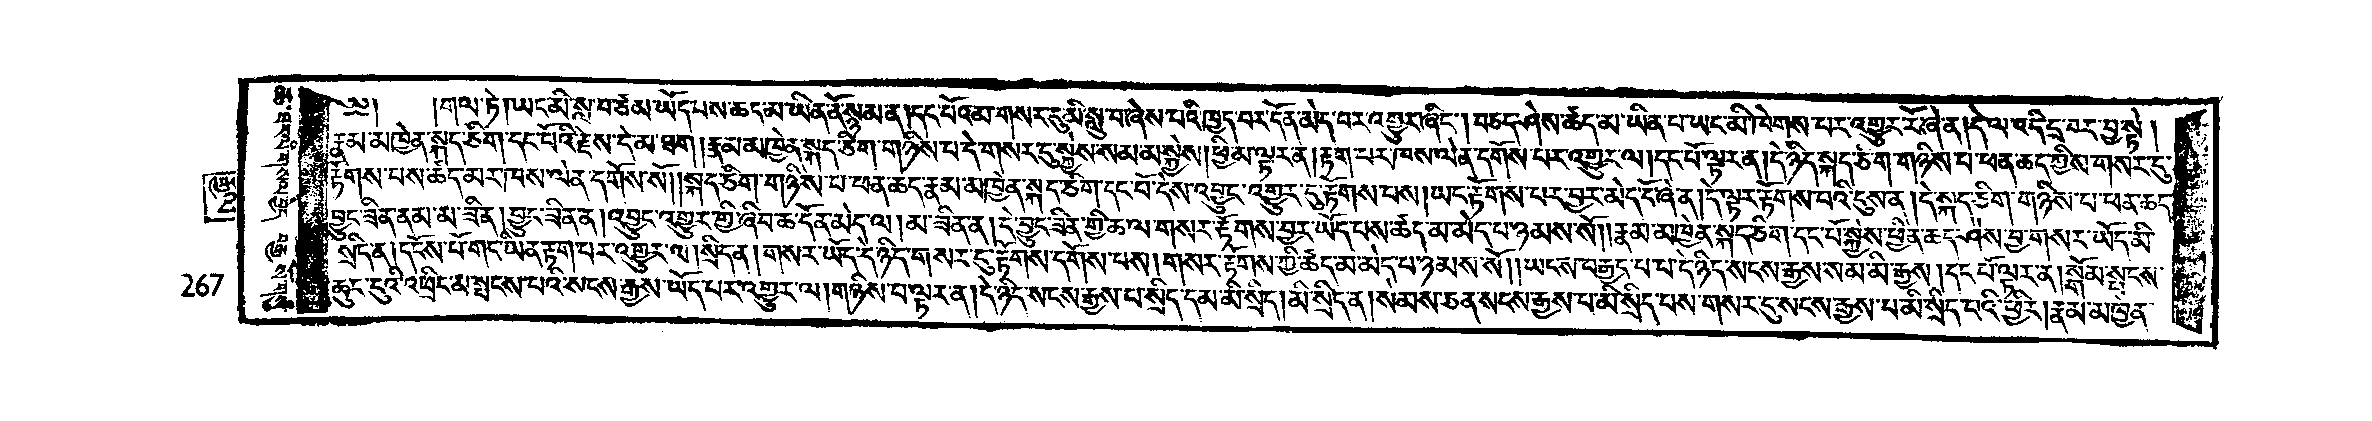༄༅། །གལ་ཏེ། ཡང་མི་སླུ་བ་ཙམ་ཡོད་པས་ཚད་མ་ཡིན་ནོ་སྙམ་ན། དང་པོའམ་གསར་དུ་མི་སླུ་བ་ཞེས་པའི་ཁྱད་པར་དོན་མེད་པར་འགྱུར་ཞིང་། བཅད་ཤེས་ཚད་མ་ཡིན་པ་ཡང་མི་ཁེགས་པར་འགྱུར་རོ་ཞེ་ན། དེ་ལ་འདི་དྲ་བར་བྱ་སྟེ།
རྣམ་མཁྱེན་སྐད་ཅིག་དང་པོའི་རྗེས་དེ་མ་ཐག །རྣམ་མཁྱེན་སྐད་ཅིག་གཉིས་པ་དེ་གསར་དུ་སྐྱེས་སམ་མ་སྐྱེས། ཕྱི་མ་ལྟར་ན། རྟག་པར་ཁས་ལེན་དགོས་པར་འགྱུར་ལ། དང་པོ་ལྟར་ན། དེ་ཉིད་སྐད་ཅིག་གཉིས་པ་ཕན་ཆད་ཀྱིས་གསར་དུ་
རྟོགས་པས་ཚད་མར་ཁས་ལེན་དགོས་སོ། །སྐད་ཅིག་གཉིས་པ་ཕན་ཆད་རྣམ་མཁྱེན་སྐད་ཅིག་དང་པོ་དེས་འབྱུང་འགྱུར་དུ་རྟོགས་པས། ཡང་རྟོགས་པར་བྱར་མེད་དོ་ཞེ་ན། དེ་ལྟར་རྟོགས་པའི་དུས་ན། དེ་སྐད་ཅིག་གཉིས་པ་ཕན་ཆད་
བྱུང་ཟིན་ནམ་མ་ཟིན། བྱུང་ཟིན་ན། འབྱུང་འགྱུར་གྱི་ཞིབ་ཆ་དོན་མེད་ལ། མ་ཟིན་ན། དེ་བྱུང་ཟིན་གྱི་ཆ་ལ་གསར་རྟོགས་བྱར་ཡོད་པས་ཚད་མ་མེད་པ་ཉམས་སོ། །རྣམ་མཁྱེན་སྐད་ཅིག་དང་པོ་སྐྱེས་ཕྱིན་ཆད་ཤེས་བྱ་གསར་ཡོད་མི་
སྲིད་ན། དངོས་པོ་གང་ཡིན་རྟག་པར་འགྱུར་ལ། སྲིད་ན། གསར་ཡོད་དེ་ཉིད་གསར་དུ་རྟོགས་དགོས་པས། གསར་རྟོགས་ཀྱི་ཚད་མ་མེད་པ་ཉམས་སོ། །ཡང་ས་བརྒྱད་པ་པོ་དེ་ཉིད་སངས་རྒྱས་སམ་མི་རྒྱས། དང་པོ་ལྟར་ན། སྒོམ་སྤངས་
ཆུང་ངུའི་འབྲིང་མ་སྤངས་པའི་སངས་རྒྱས་ཡོད་པར་འགྱུར་ལ། གཉིས་པ་ལྟར་ན། དེ་ཉིད་སངས་རྒྱས་པ་སྲིད་དམ་མི་སྲིད། མི་སྲིད་ན། སེམས་ཅན་སངས་རྒྱས་པ་མི་སྲིད་པས་གསར་དུ་སངས་རྒྱས་པ་མི་སྲིད་པའི་ཕྱིར། རྣམ་མཁྱེན་